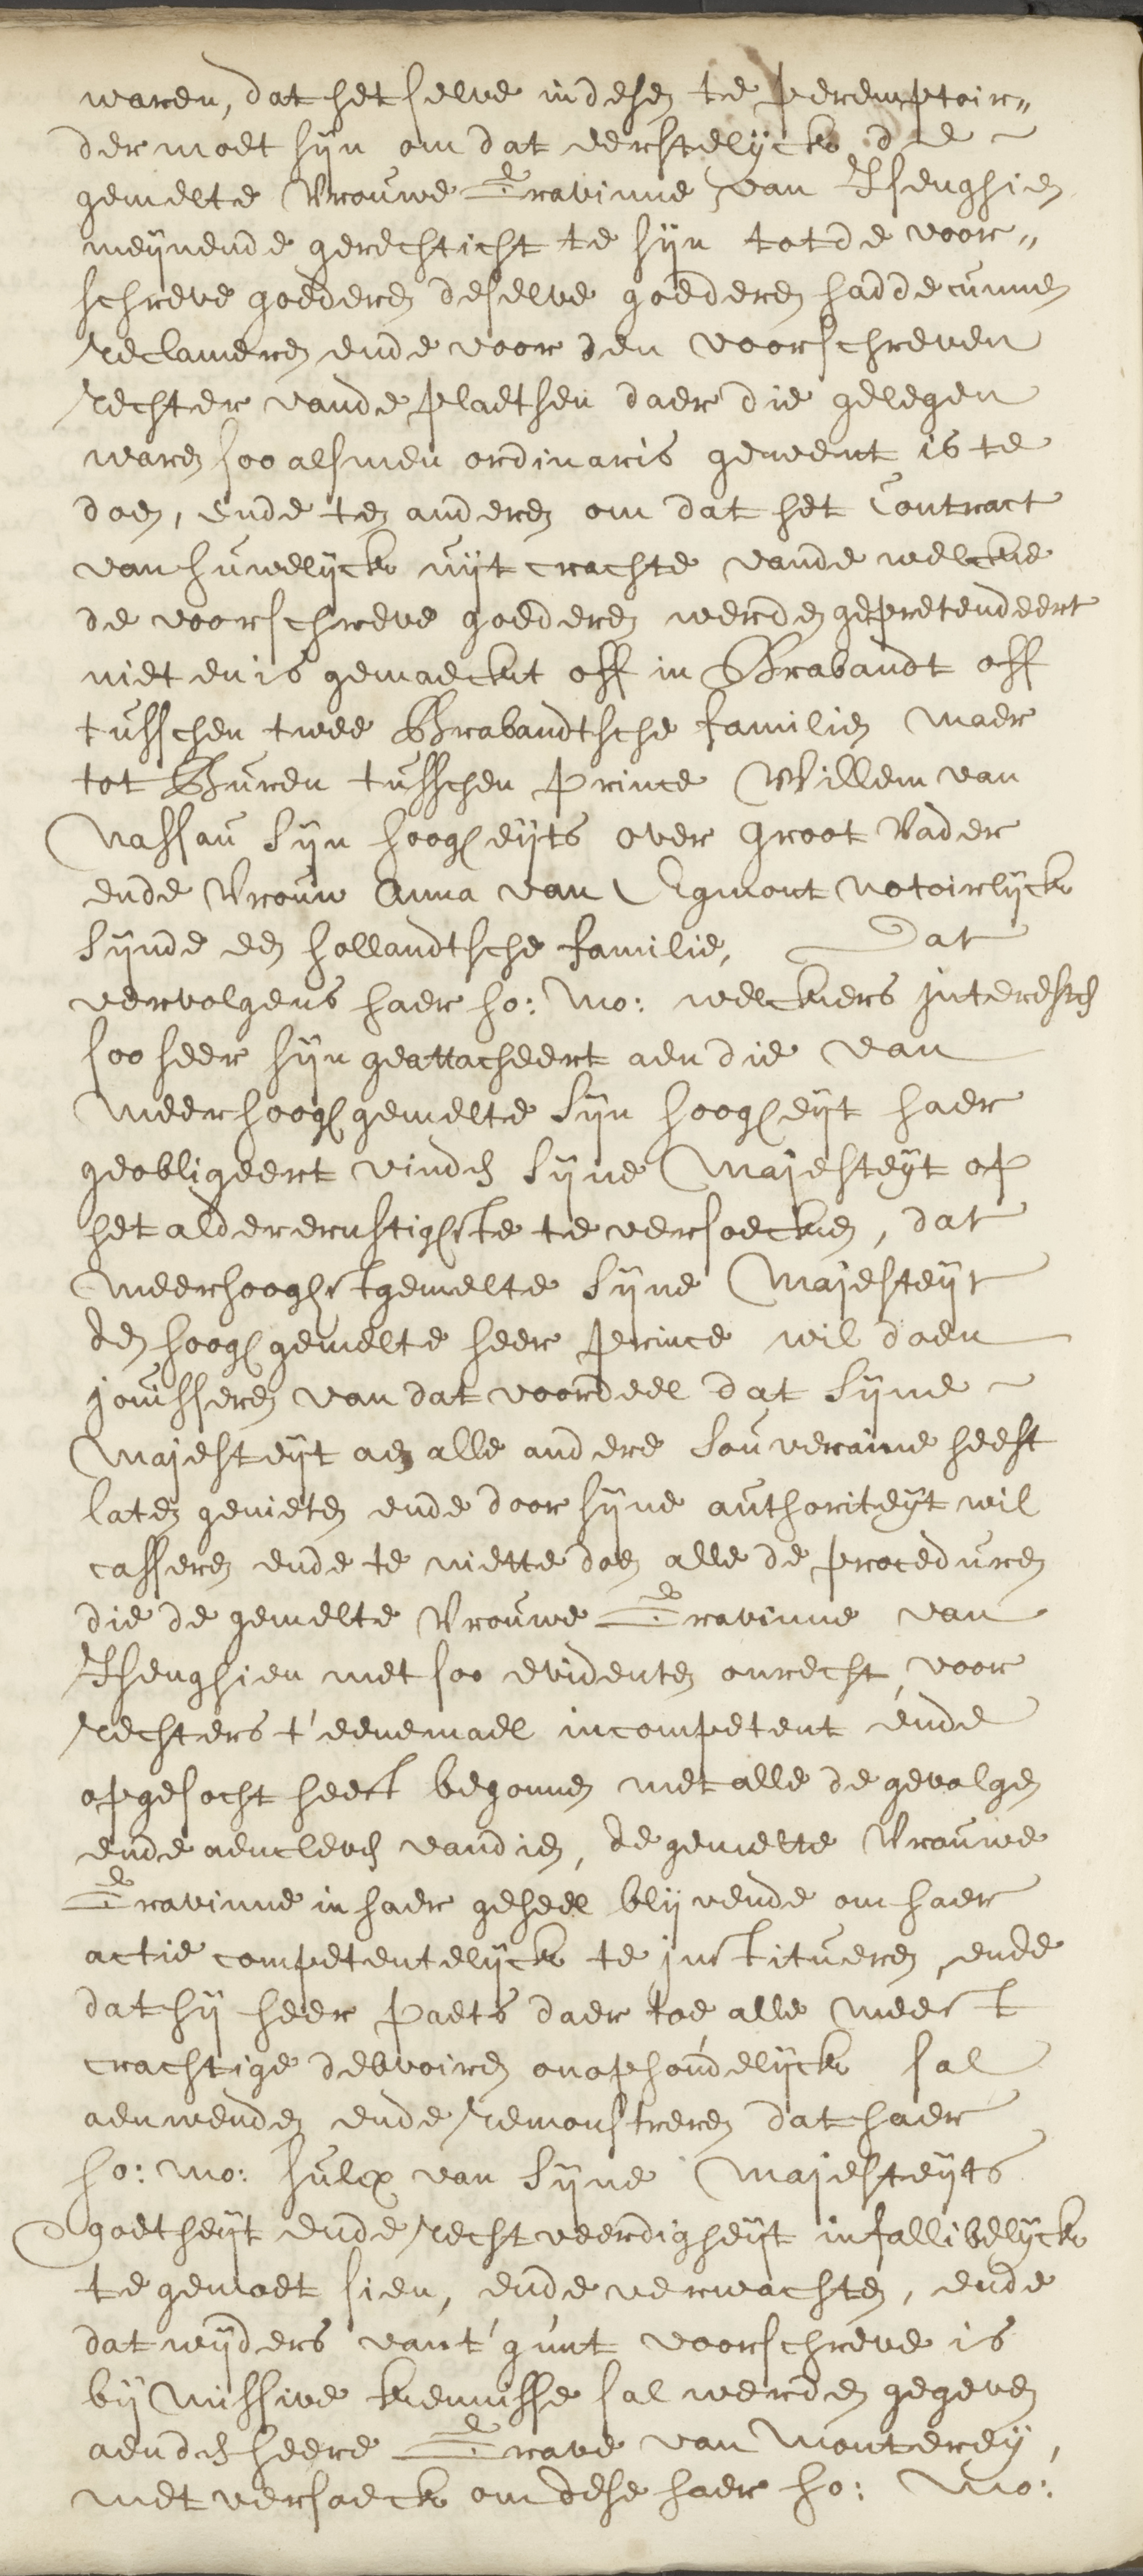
waren, dat het selve in desen te peremptoir„
der moet sijn om dat eerstelijck de
gemelte Vrouwe Gravinne van Isenghien
meijnende gerechticht te sijn tot de voor„
schreve goederen deselve goederen hadde cunnen
reclameren ende voor den voorschreven
rechter vande plaetsen daer die gelegen
waren soo alsmen ordinaris gewent is te
doen, ende ten anderen om dat het Contract
van huwelijck uijt crachte vande welcke
de voorschreve goederen werden gepretendeert
niet en is gemaeckt off in Brabandt off
tusschen twee Brabandtsche familien maer
tot Buren tusschen Prince Willem van
Nassau sijn hoogheijts over Groot Vader
ende Vrouw Anna van Egmont notoirlijck
sijnde een hollandtsche familie. Dat
vervolgens haer ho:Mo: welckers interesten
soo seer sijn geattacheert aen die van
meerhooghgemelte Sijn hoogheijt haer
geobligeert vinden Sijne Majesteijt op
het alderernstighste te versoecken, dat
meerhooghstgemelte Sijne Majesteijt
den hooghgemelte heer Prince wil doen
jouisseren van dat voordeel dat Sijne
Majesteijt aen alle andere Souveraine heeft
laten genieten ende door sijne authoriteijt wil
casseren ende te niette doen alle de proceduren
die de gemelte Vrouwe Gravinne van
Isenghien met soo evidenten onrecht voor
rechters t‛eenemael incompetent ende
opgesocht heeft begonnen met alle de gevolgen
ende aencleven vandien, de gemelte Vrouwe
Gravinne in haer geheel blijvende om haer
actie competentelijck te justitueren, ende
dat hij heer Paets daer toe alle meest
crachtige debvoiren onophoudelijck sal
aenwenden ende remonstreren dat haer
Ho:Mo: sulcx van Sijne Majesteijts
goetheijt ende rechtveerdigheijt infallibelijck
te gemoet sien, ende verwachten, ende
dat wijders vant' gunt voorschreve is
bij missive kennisse sal werden gegeven
aen den heere Grave van Montereij
met versoeck om dese haer Ho:Mo:
